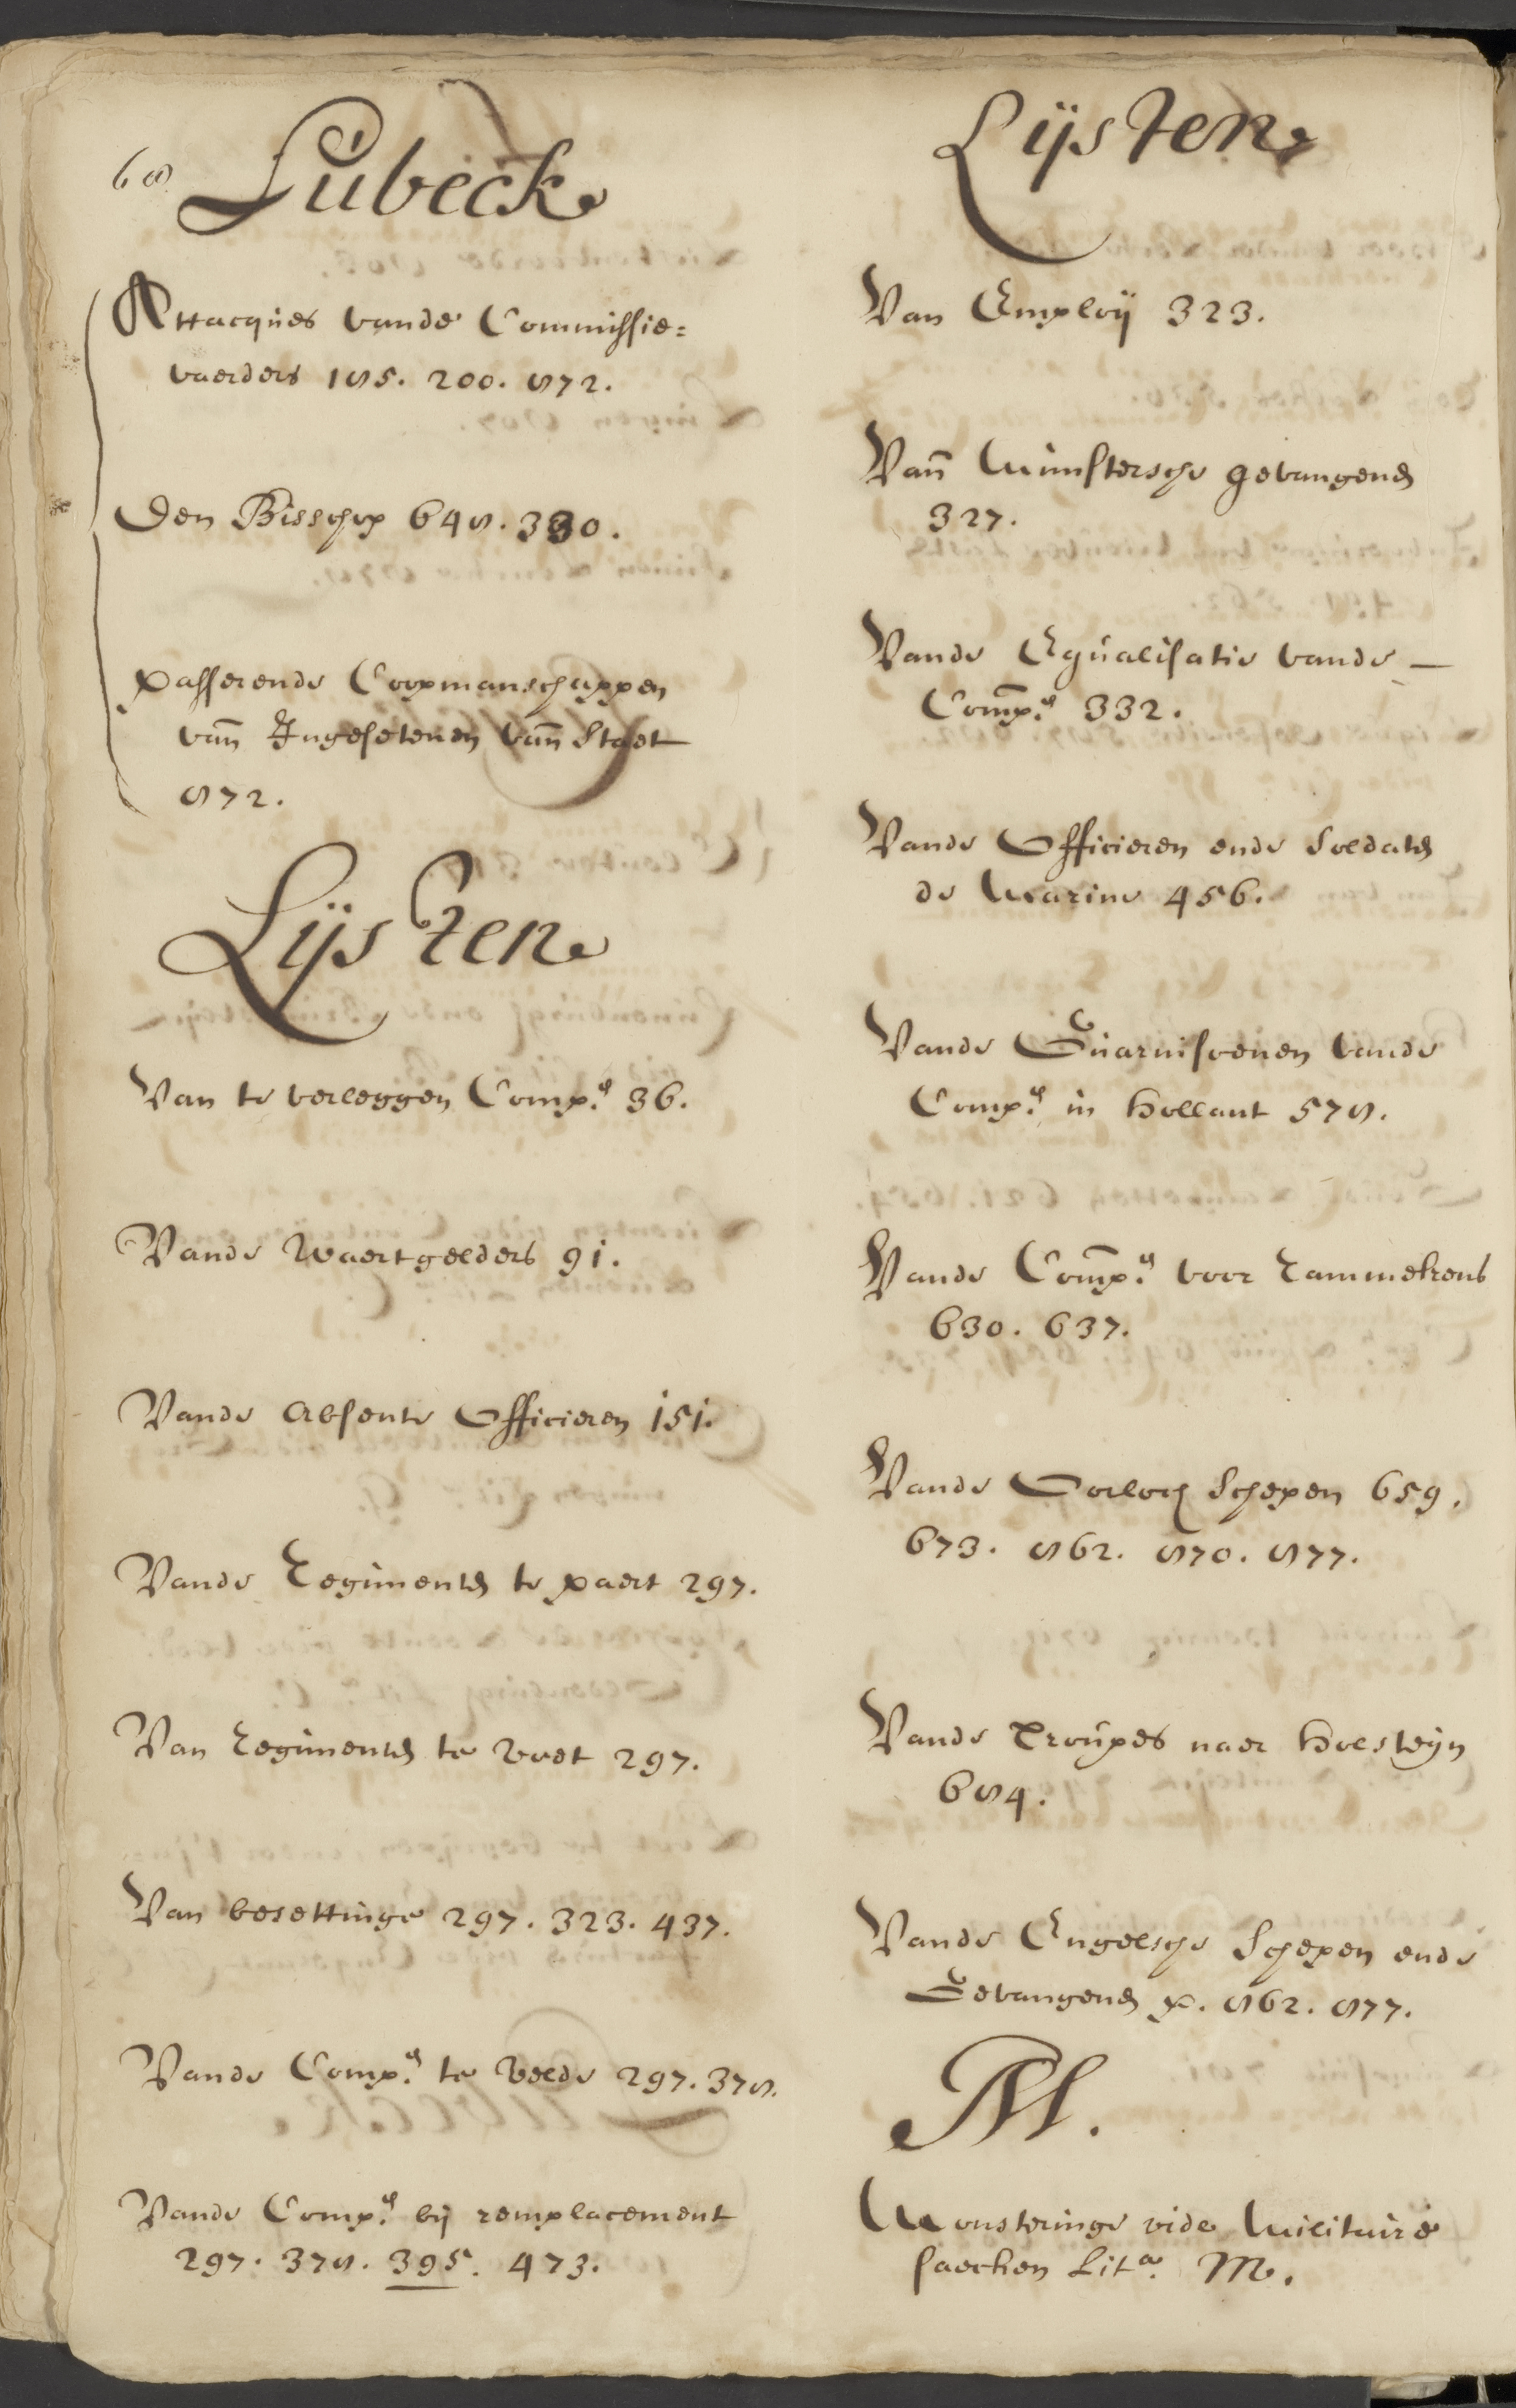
68.
Lubeck
Attacques vande Commissie=
vaerders 185. 200. 872.
Den Bisschop 648. 330.
Passerende Coopmanschappen
van Ingesetenen van Staet
872.
Lijsten
Van te verleggen Compe. 36.
Vande Waertgelders 91.
Vande Absente Officieren 151.
Vande Regimenten te paert 297.
Van Regimenten te voet 297.
Van besettinge 297. 323. 437.
Vande Compe. te Velde 297. 378.
Vande Compe. bij remplacement
297. 378. 395. 473.
Lijsten.
Van Emploij 323.
Van Munstersche gevangenen
327.
Vande Equalisatie vande
Compe. 332.
Vande Officieren ende Soldaten
de Marine 456.
Vande Guarnisoenen vande
Compe. in Hollant 578.
Vande Compe. voor Rammekens
630. 637.
Vande Oorloch schepen 659.
673. 862. 870. 877.
Vande Troupes naer Holsteijn
684.
Vande Engelsche Schepen ende
Gevangenen p. 862. 877.
M.
Monsteringe vide militaire
saecken Lita. M.
